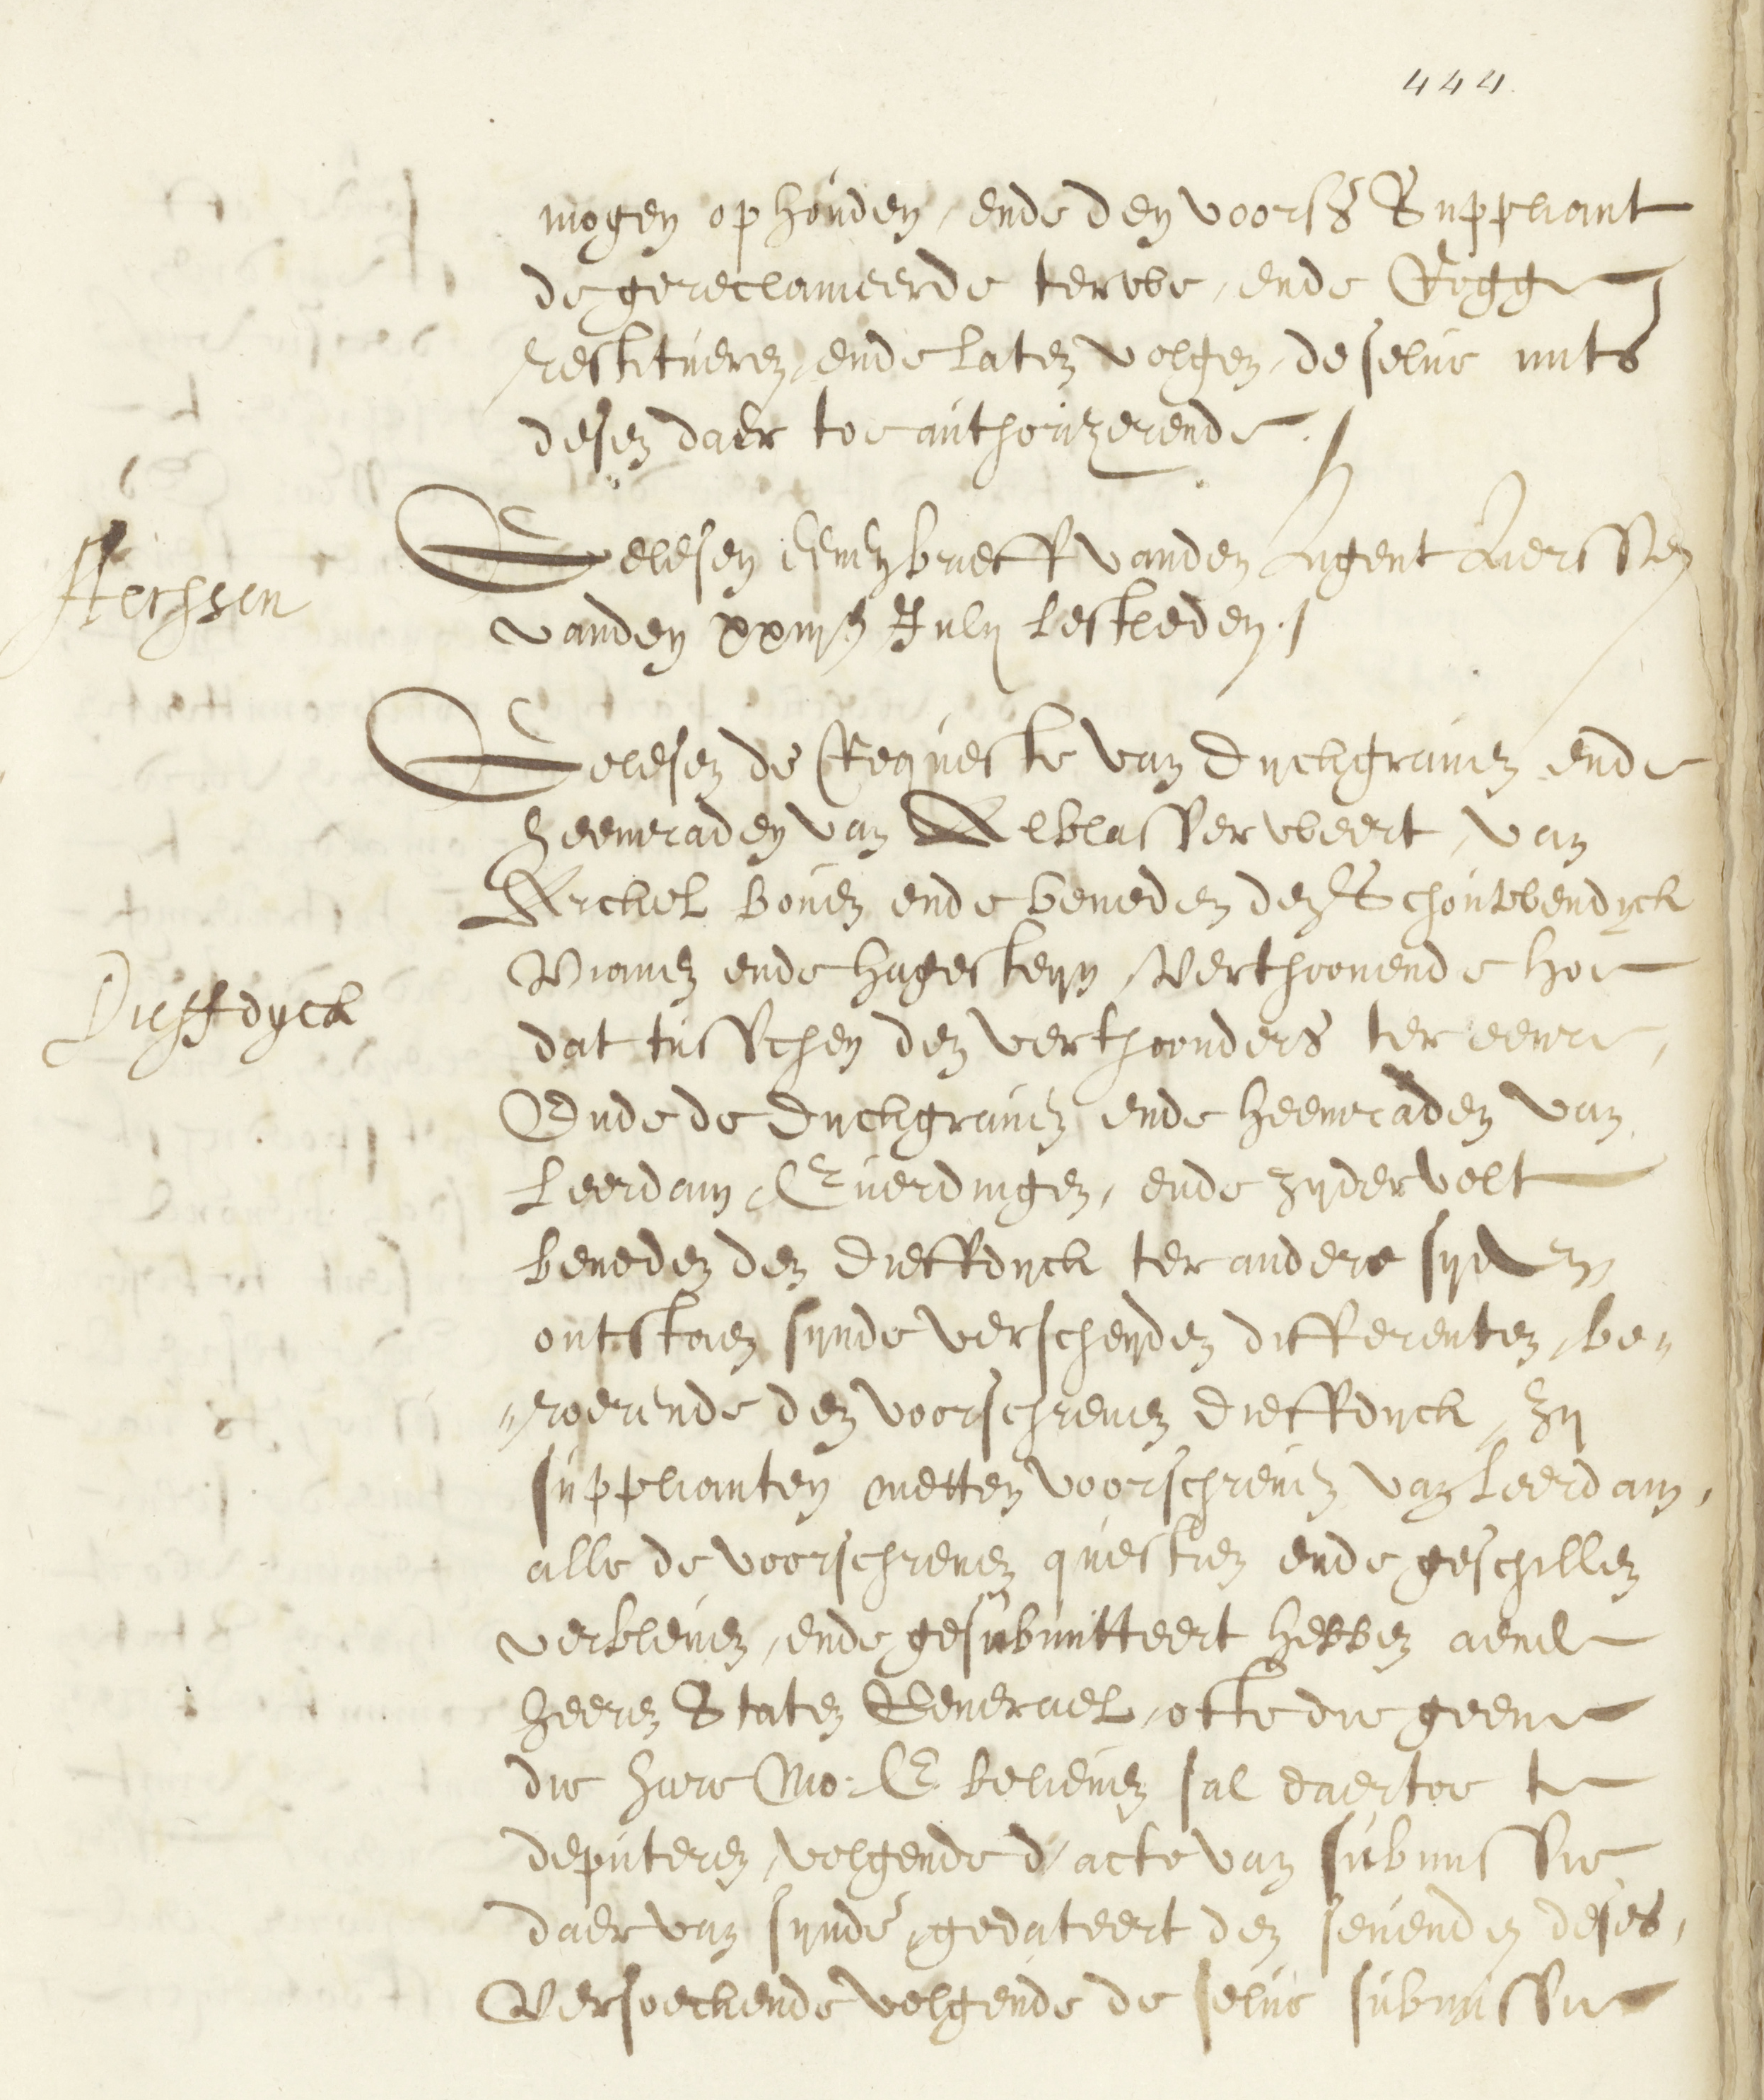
444.
mogen ophouden, ende den voors Suppliant
de gereclameerde terwe, ende Rogge
restitueren, ende laten volgen, deselue mits
desen daer toe authorizerende.
Aerssen
Dieffdyck
Gelesen eenen brieff vanden Agent Aerssen
vanden xxiijen July lestleden.
Gelesen de Requeste van dyckgrauen ende
heemraden van Alblasserweert, van
Arckel bouen ende beneden den Schouwendyck
Vianen ende hagesteyn, verthoonende hoe
dat tusschen den verthoonders ter eenre,
Ende de dyckgrauen ende heemraden van
Leerdam, Euerdingen, ende zydervelt
beneden den dieffdyck ter andere syden,
ontstaen synde verscheyden differenten, be,,
,,roerende den voorschreuen dieffdyck, zy
supplianten metten voorschreuen van Leerdam,
alle de voorschreuen questien ende geschillen
verbleuen, ende gesubmitteert hebben aende
heeren Staten Generael, ofte die geene
die hare mo: E belieuen sal daertoe te
deputeren, volgende d'acte van submissie
daervan synde, gedateert den seuenden deses,
versoeckende volgende de selue submissie
